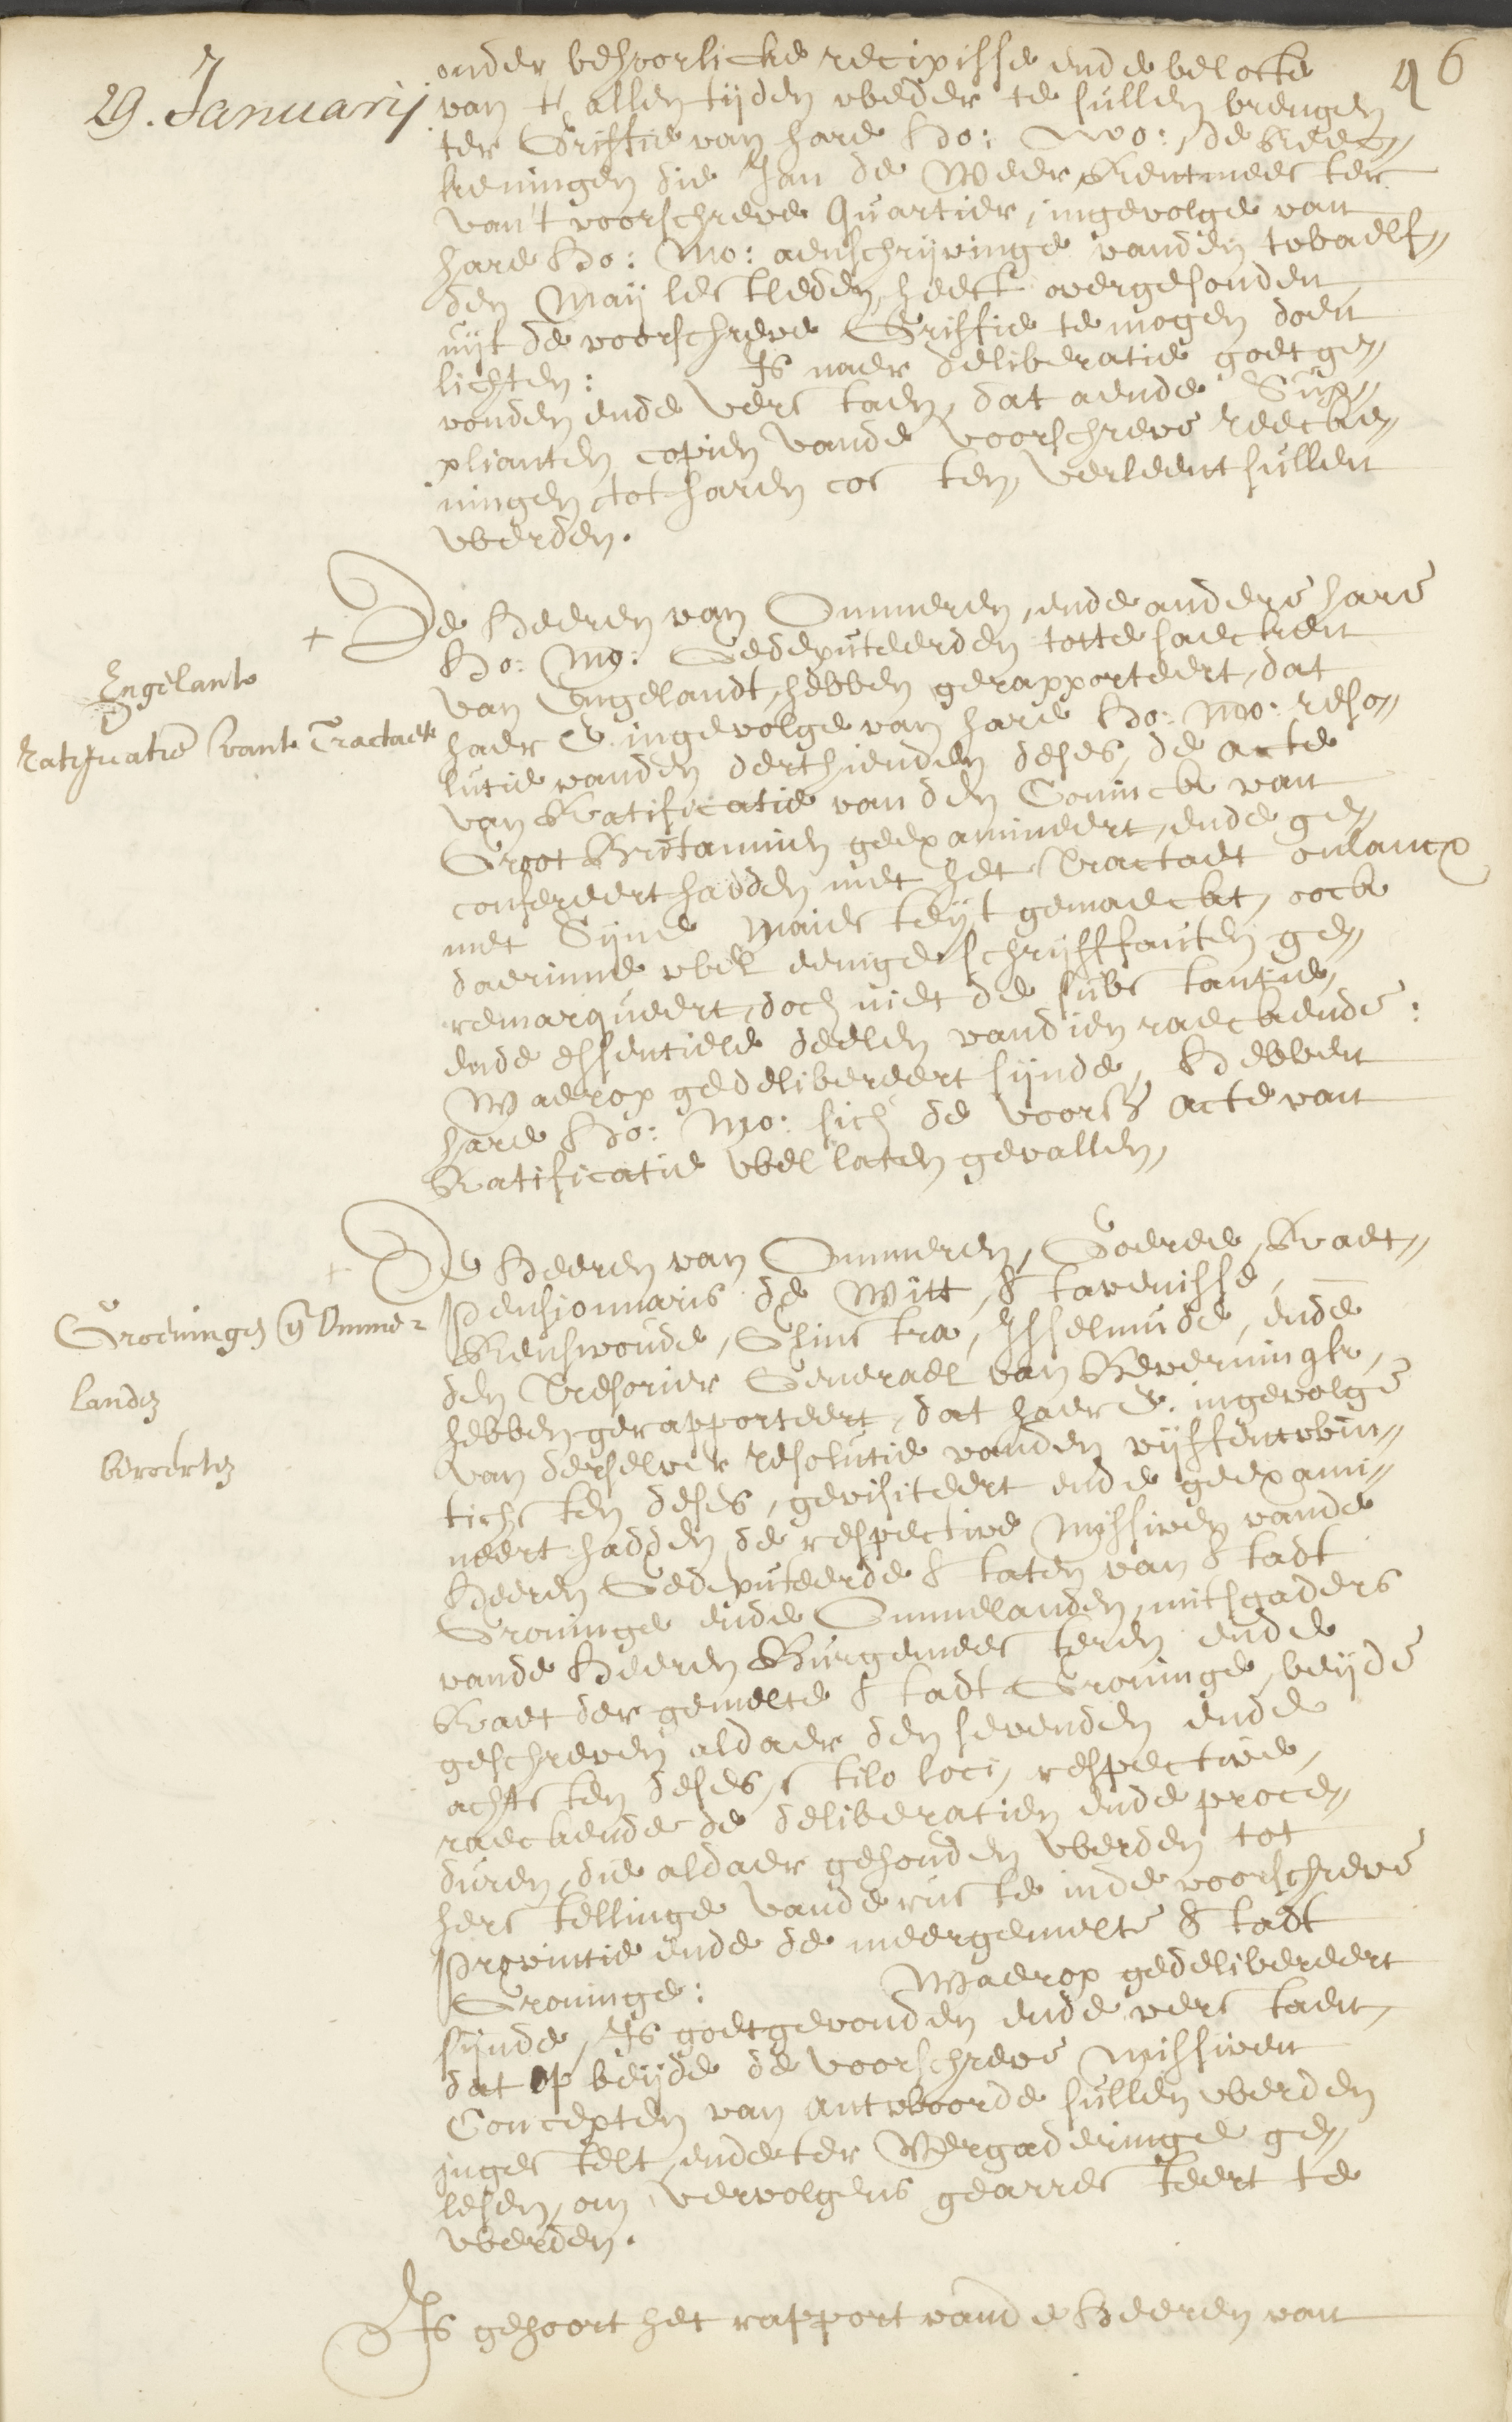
46
29. Januarij.
onder behoorlicke recipisse ende belofte
van t' allen tijden weder te sullen brengen
ter Griffie van hare Ho:Mo: de Reec„
keningen die Jan de Weer Rentmeester
van 't voorschreve Quartier, ingevolge van
hare Ho:Mo: aenschrijvinge vanden twaelf„
den maij lestleden, heeft overgesonden
uijt de voorschreve Griffie te mogen doen
lichten: Is naer deliberatie goetge„
vonden ende verstaen, dat aende Sup„
plianten copien vande voorschreve reecke„
ningen tot haren costen, verleent sullen
werden.
Engelants
ratificatie vant Tractaet.
De Heeren van Ommeren ende andere hare
Ho:Mo: Gedeputeerden totte saecken
van Engelandt, hebben gerapporteert, dat
haer E. ingevolge van hare Ho:Mo: reso,,
lutie vanden derthienden deses de acte
van Ratificatie van den Coninck van
Groot Britannien geexamineert, ende ge„
consereert hadden met het Tractaet onlancx
met Sijne maiesteijt gemaeckt, oock
daerinne wel eenige schrijfffouten ge„
remarqueert, doch niet de substantie,
ende essentiele deelen vandien raeckende:
Waerop gedelibereert sijnde, hebben
hare Ho:Mo: sich de voors. acte van
Ratificatie wel laten gevallen.
Groeningen & Omme„
Landen
beroerten
D'Heeren van Ommeren, Goeree, Raet„
Pensionnaris de Witt, Stavenisse,
Renswoude, Glinstra, Isselmude ende
den Tresorier Generael van Beverningk,
hebben gerapporteert, dat haer E. ingevolge
van derselver resolutie vanden vijffentwin„
tichsten deses, gevisiteert ende geexami„
neert hadden de respective missiven vande
Heeren Gedeputeerde Staten van Stadt
Groninge ende Ommelanden, mitsgaders
vande Heeren Burgemeesteren ende
Raet der gemelte Stadt Groninge beijde
geschreven aldaer den sevenden ende
achtsten deses, stilo loci, respective
raeckende de deliberatien ende proce„
duren, die aldaer gehouden werden tot
herstellinge vande ruste inde voorschreve
provintie ende de meergemelte Stadt
Groninge: Waerop gedelibereert
sijnde, Is goetgevonden ende verstaen,
dat op beijde de voorschreve missiven
concepten van antwoorde sullen werden
ingestelt, ende ter Vergaderinge ge„
lesen, om vervolgens gearresteert te
werden.
Is gehoort het rapport vande Heeren van
